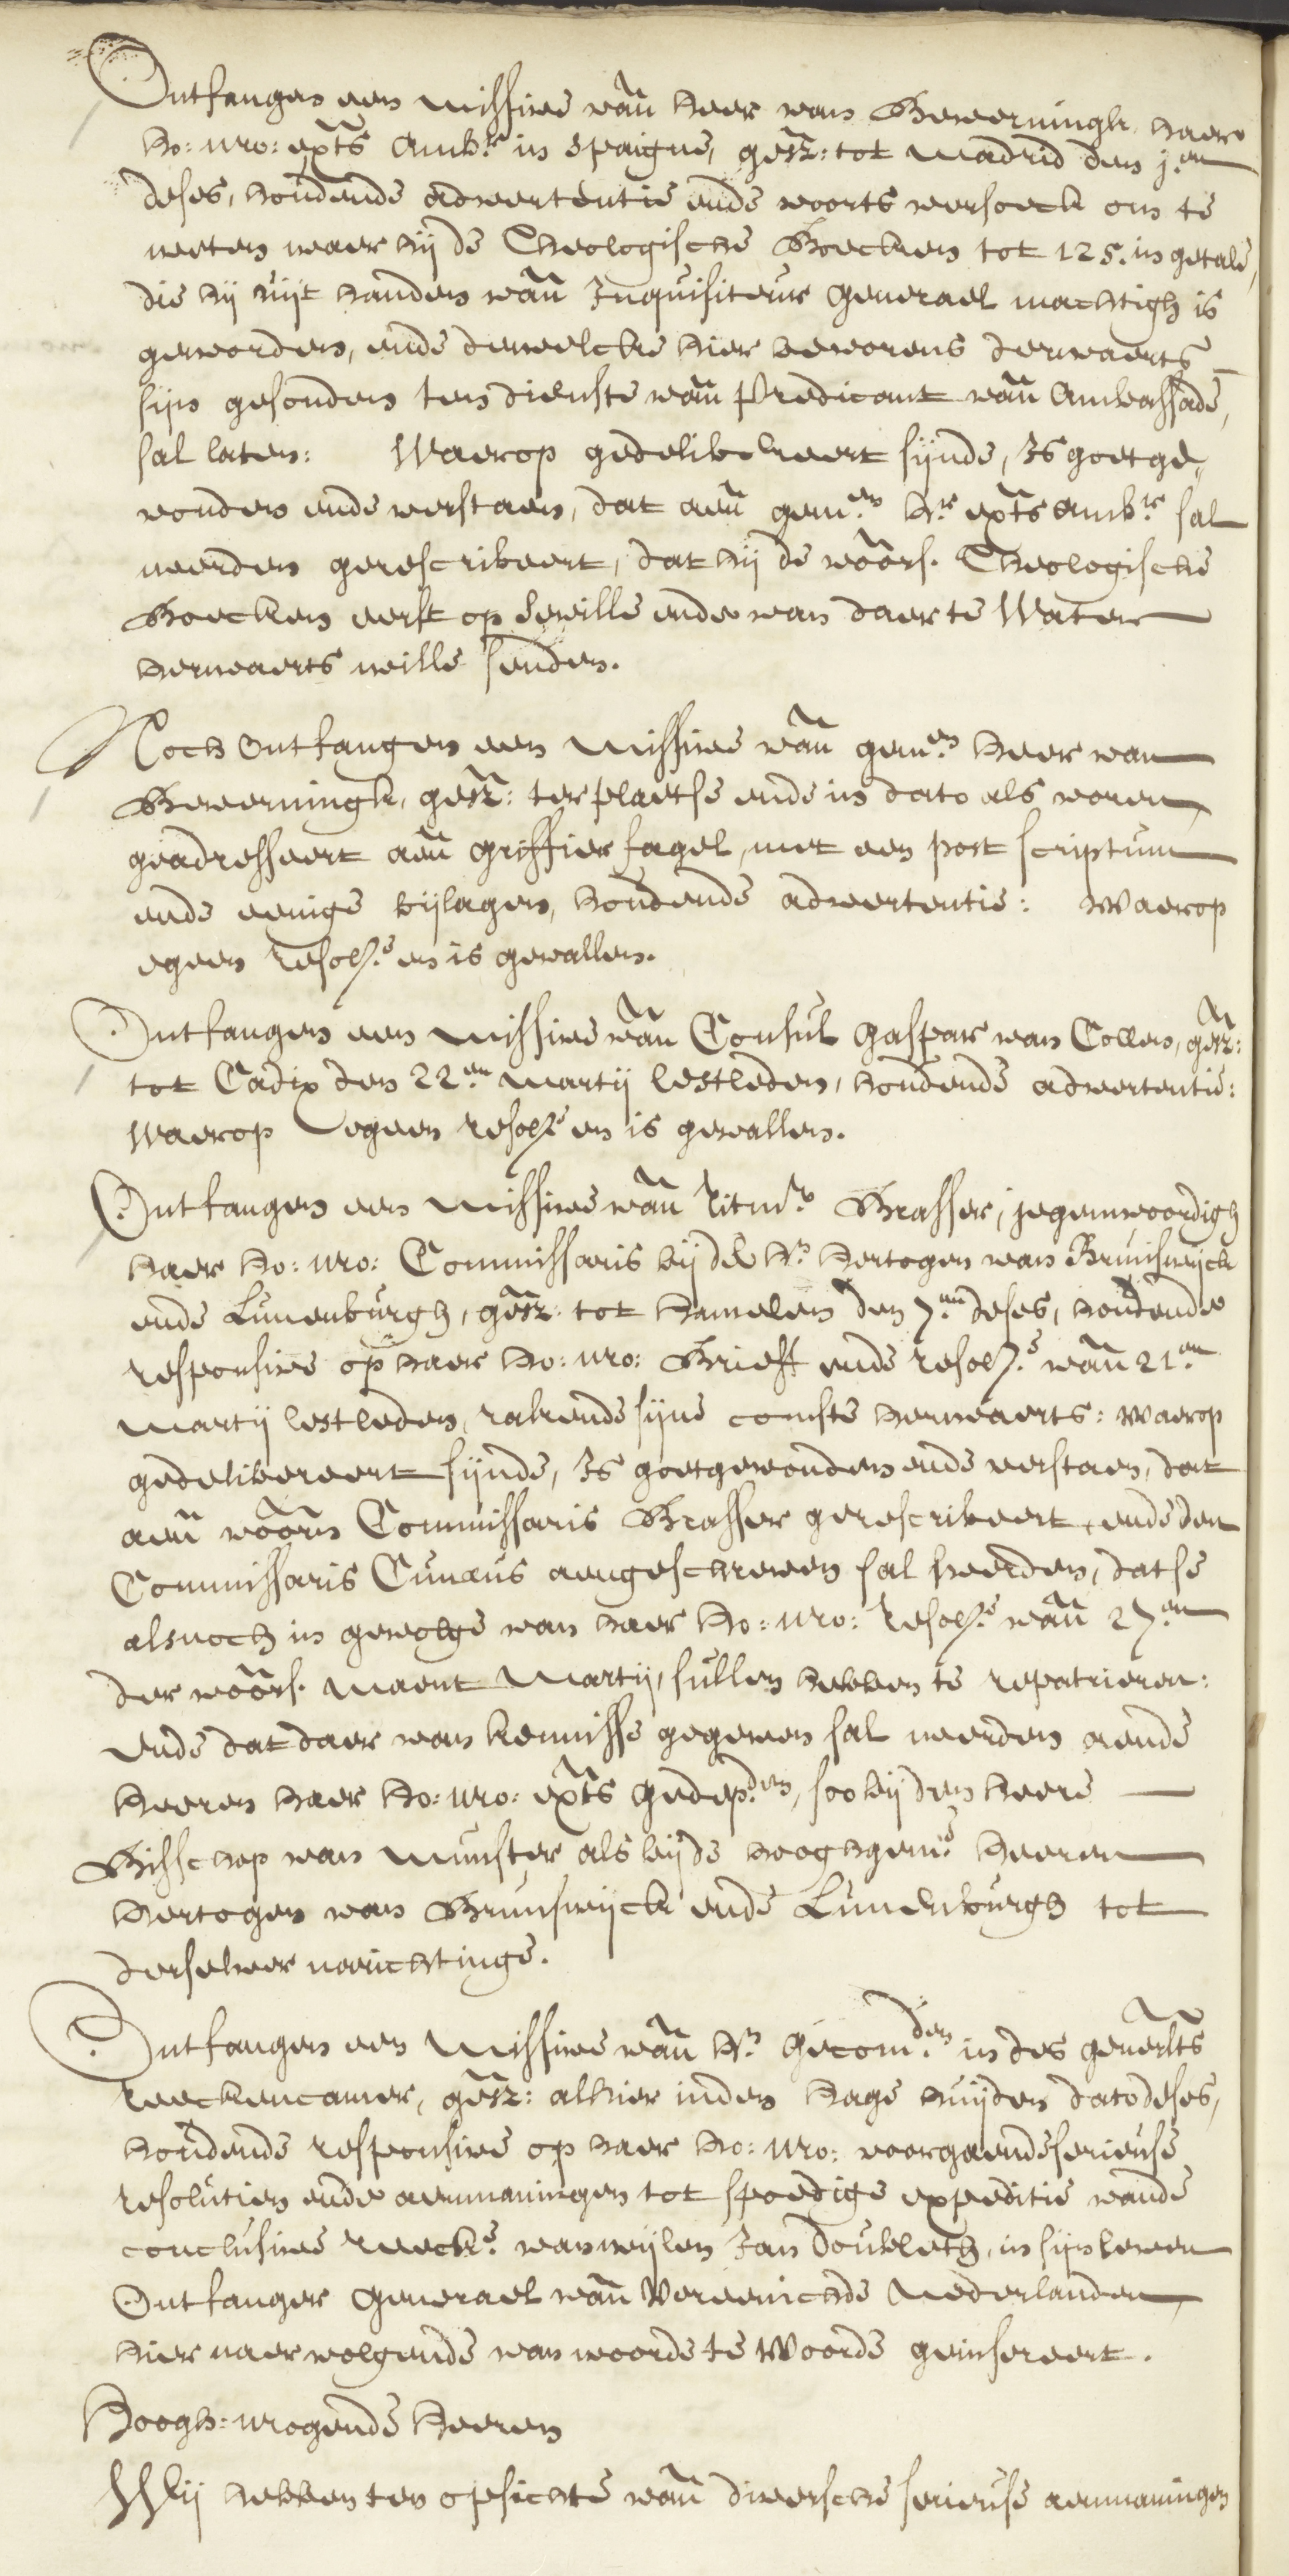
Ontfangen een missive van Heer van Beverningh haer
Ho:Mo: exts Ambr. in spaigne, gesr. tot madrid den ien
deses, houdende advertentie ende voorts versoeck om te
weten waer hij de Theologische Boecken tot 125. in getale
die hij uijt handen van Inquisiteur Generael machtigh is
geworden, ende dewelcke hier bevorens derwaerts —
sijn gesonden ten dienste van Predicant van Ambassade
sal laten. Waerop gedelibereert sijnde, Is goet ge„
vonden ende verstaen dat aen gem.en Hr. exts amb.r sal
werden gerescribeert, dat hij de voors. Theologische
Boecken eerst op Seville ende van daer te Water
herwaerts wille senden.
Noch ontfangen een missive van gem.en Heer van
Beverningk gesr: ter plaetse ende in dato als voren
geadresseert aen griffier Fagel, met een post scriptum
ende eenige bijlagen houdende advertentie. Waerop
egeen resol.e en is gevallen.
Ontfangen een missive van Consul Gaspar van Collen, gesr:
tot Cadix den 22en martij lestleden, houdende advertentie,
waerop egeen resolutie en is gevallen.
Ontfangen een missive van ritmr. Brasser, jegenwoordigh
haere Ho:Mo: Commissaris bij H.n Hertogen van Brunswijck
ende Lunenburgh, gesr: tot Hamelen den 7en deses, houdende
responsive op haer Ho:Mo: Brieff ende resol.e van den 21en
martij lestleden, rakende sijne comste herwaerts. Waerop
gedelibereert sijnde, Is goetgevonden ende verstaen dat
aen den voorn. Commissaris Brasser gerescribeert, ende den
Commissaris Cunaus aengeschreven sal werden dat se
alsnoch in gevolge van haer Ho:Mo: resol.e van 27en
der voors. maent martij, sullen hebben te repatrieren:
ende dat daer van kennisse gegeven sal worden aende
heeren haer Ho:Mo: exts gedep.den soo bij den heere —
Bisschop van Munster als bij de hooghgeme Heeren
Hertogen van Brunswijck ende Lunenburgh tot
derselver narichtinge.
Ontfangen een missive van Hn. Gecomden. in des Generalts
reeckencamer, gesr: alhier inden Hage huijden dato deses
houdende responsive op haer Ho:Mo: voorgaende serieuse
resolutien ende aenmaningen tot spoedige expeditie vande
conclusive reecke. van wijlen Jan doubleth, in sijn leven
Ontfanger Generael van Vereenichde Nederlanden
hier naer volgende van woorde te Woorde geinsereert.
Hoogh mogende Heeren
Wij hebben ten opsichte van diversche serieuse aenmaningen
